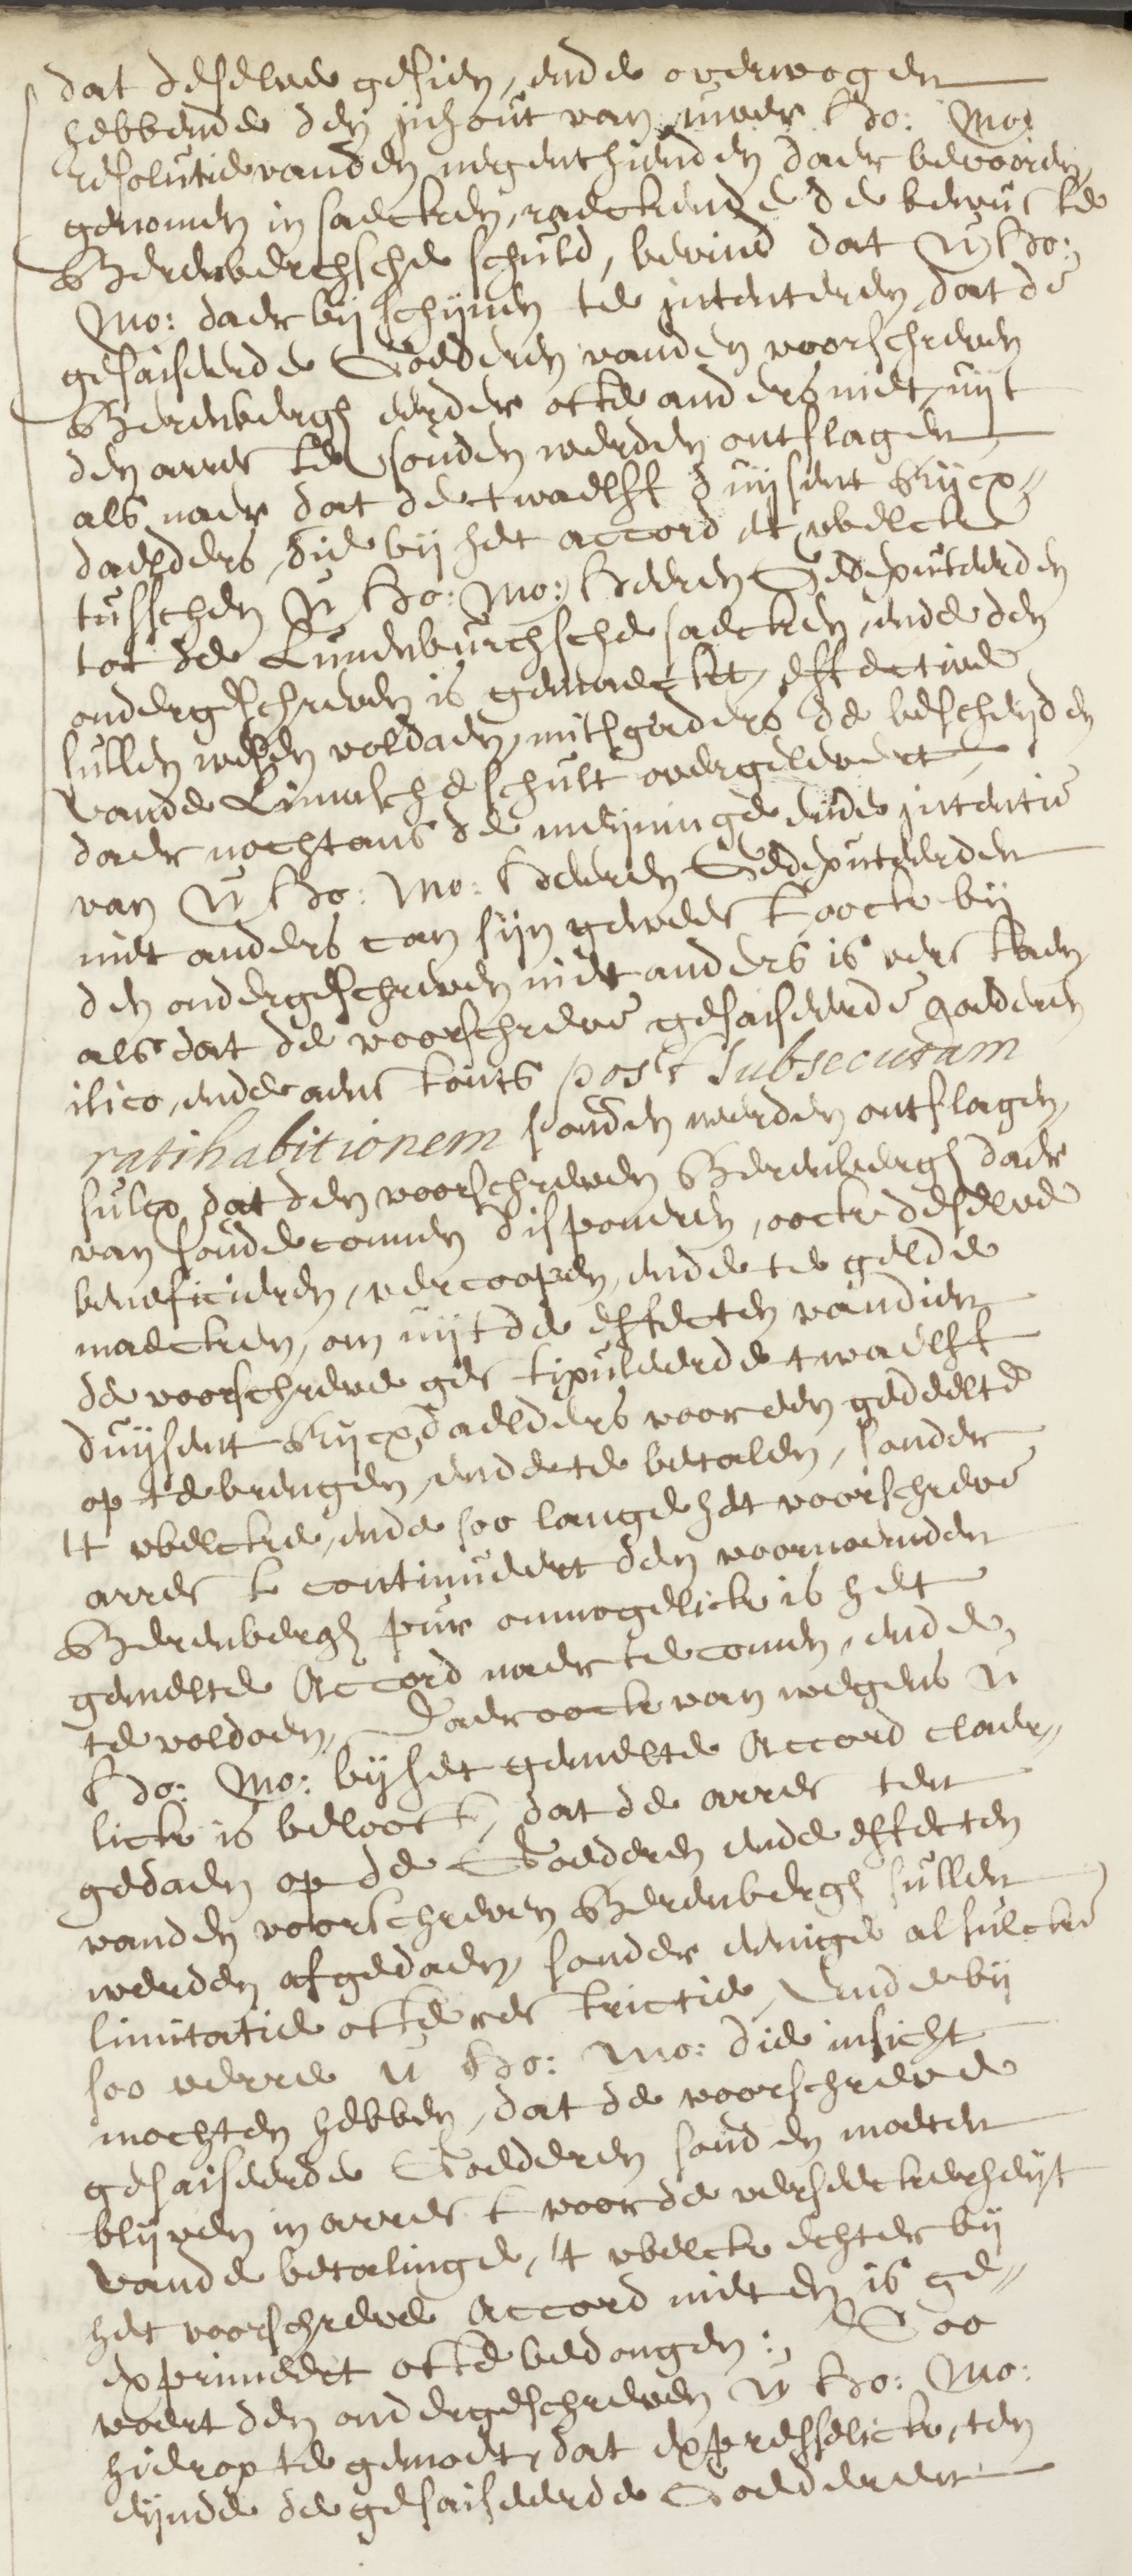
dat deselve gesien, ende overwogen
hebbende den inhout van uwer Ho:Mo:
resolutie vanden negenthienden daer bevooren,
genomen in saecken, raeckende de bewuste
Berenberchsche schuld, bevind dat U Ho:
Mo: daer bij schijnen te intenteren, dat de
gesaiseerde Goederen vanden voorschreven
Berenbergh eerder ofte anders niet uijt
den arreste souden werden ontslagen,
als naer dat de twaelff duijsent Rijcx„
daelders, die bij het accord ‛t welck
tusschen U Ho:Mo: Heeren Gedeputeerden
tot de Lunenburchsche saecken, ende den
ondergeschreven is gemaeckt, effective
sullen wesen voldaen, mitsgaders de bescheijden
vande Lunesche schult overgelevert,
daer nochtans de meijninge ende intentie
van U Ho:Mo: Heeren Gedeputeerden
niet anders can sijn geweest, oock bij
den ondergeschreven niet anders is verstaen
als dat de voorschreve gesaiseerde goederen
ilico, ende aenstonts post subsecutam
ratihabitionem souden werden ontslagen,
sulcx dat den voorschreven Berenbergh daer
van soude connen disponeren, oock deselve
beneficieren, vercoopen, ende te gelde
maecken, om uijt de effecten vandien
de voorschreve gestipuleerde twaelff
duijsent Rijcxdaelders voor een gedeelte
op te brengen, ende te betalen, sonder
‛t welcke, ende soo lange het voorschreve
arrest continueert den voornoemden
Berenbergh pur onmogelick is het
gemelte Accord naer te comen, ende
te voldoen, Daer oock van wegens U
Ho:Mo: bij het gemelte Accord claer„
lick is belooft, dat de arresten
gedaen op de Goederen ende effecten
vanden voorschreven Berenbergh sullen
werden afgedaen, sonder eenige alsulcke
limitatie ofte restrictie, Ende bij
soo verre U Ho:Mo: die insicht
mochten hebben, dat de voorschreve
gesaiseerde Goederen souden moeten
blijven in arrest voorde verseeckerheijt
vande betalinge, 't welck echter bij
het voorschreve Accord niet en is ge„
exprimeert ofte bedongen: Soo
voert den ondergeschreven U Ho:Mo:
hierop te gemoet, dat expresselick, ten
eijnde de gesaiseerde Goederen
